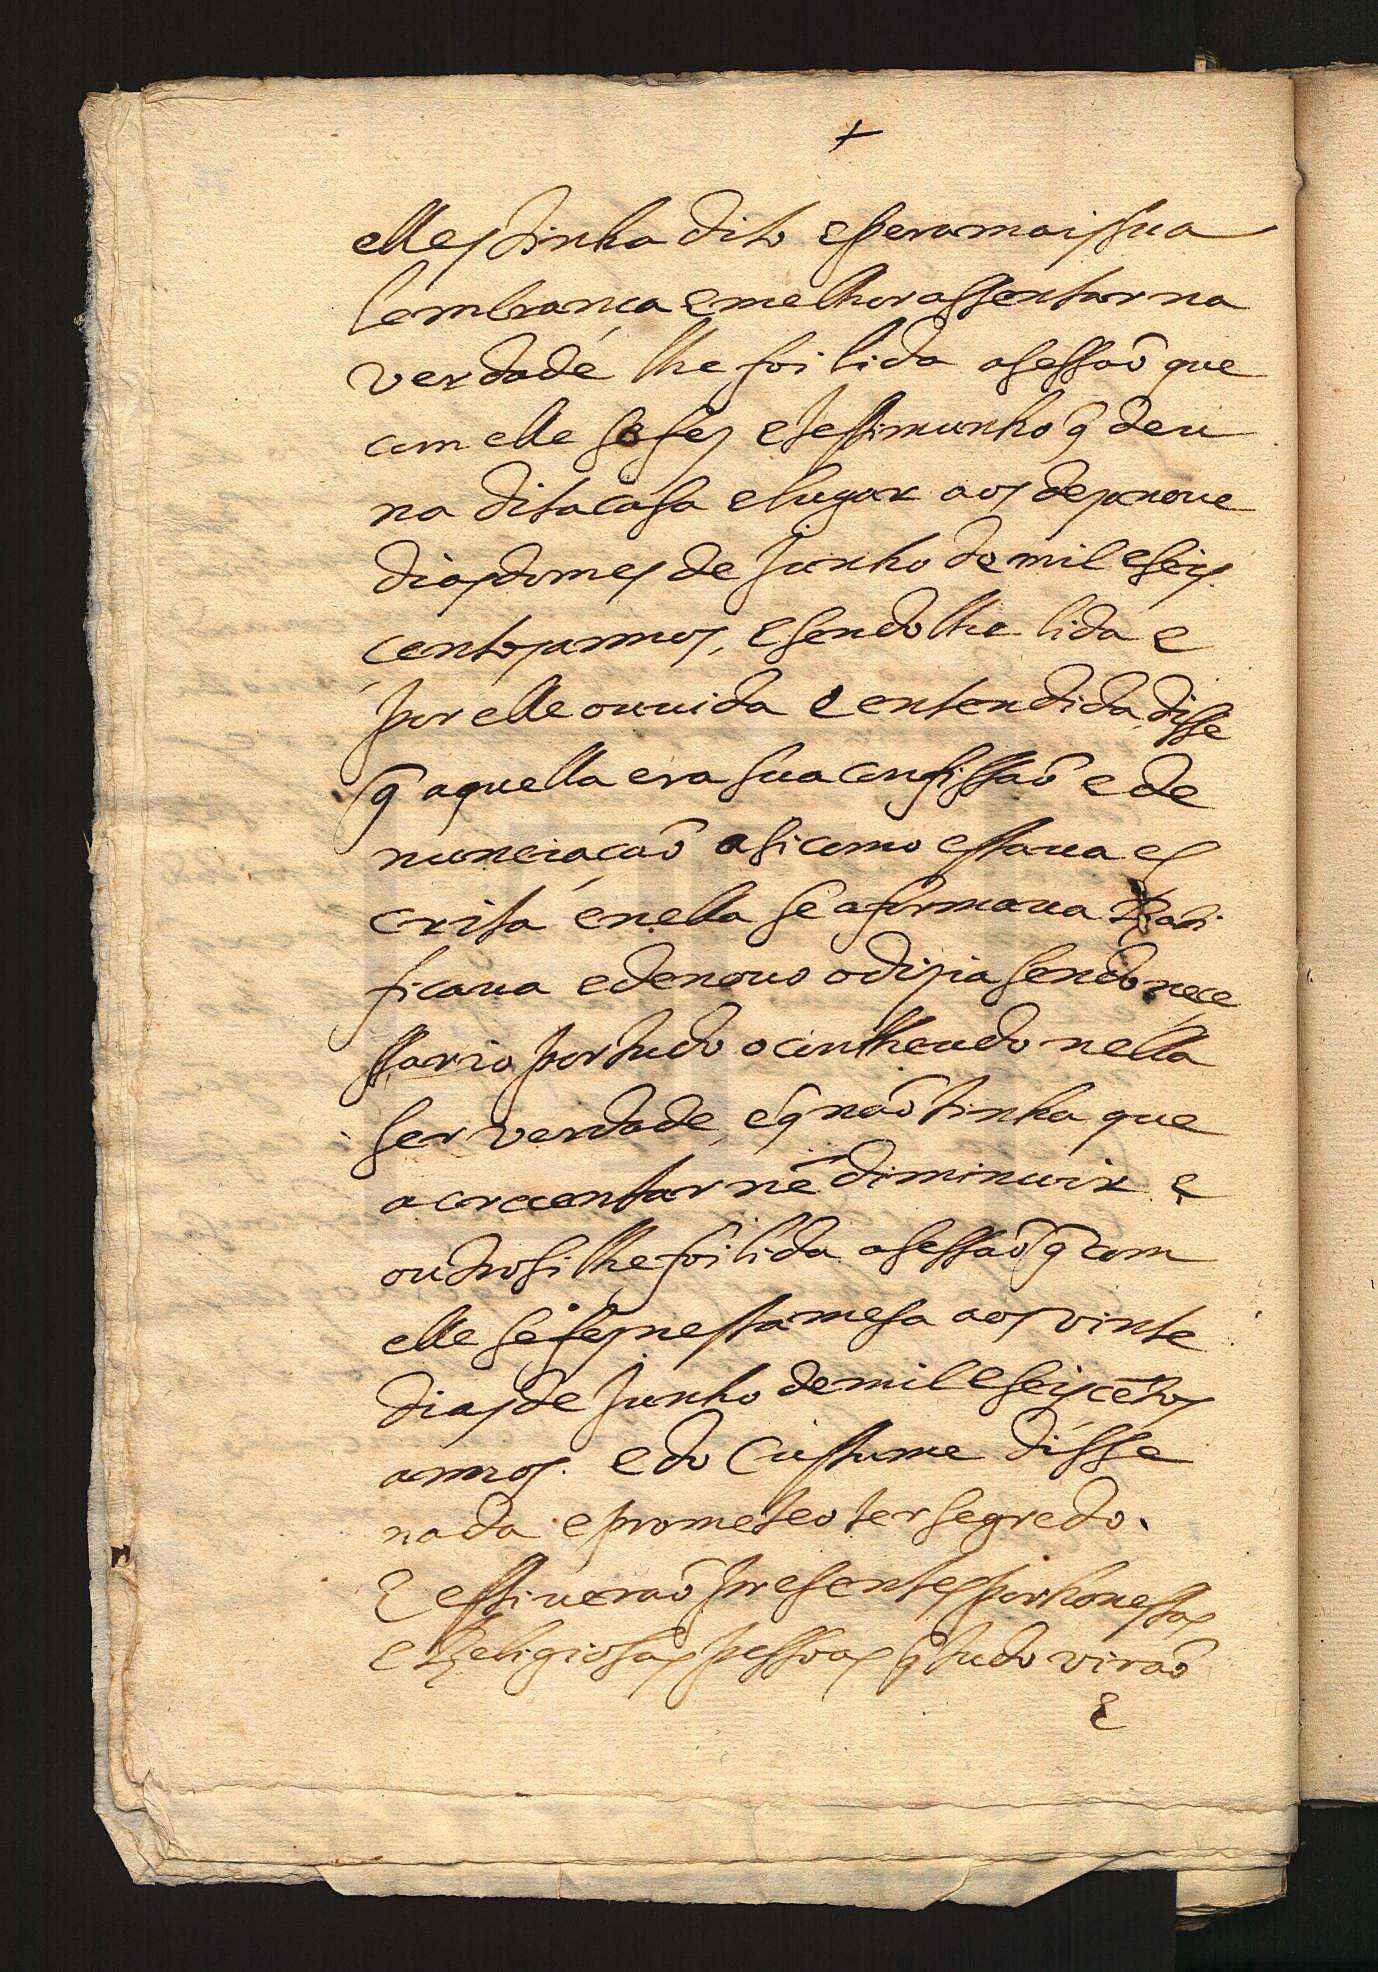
elles tinha dito E pera mais sua
lembrança E melhor assentar na
verdade lhe foi lida a sessaõ que
com elle s_ fez e testemunho q̄ deu
na dita casa e lugar aos dezanoue
dias do mes de Junho de mil e seis
çentos annos, E sendolhe lida E
por elle ouuida e entendida disse
q̄ aquella era sua confissaõ e de
nunciaçaõ asi como estaua es
crita e nella se afirmaua Rati
ficaua e de nouo o dizia sendo neçe
ssario por tudo o contheudo nella
ser verdade, e q̄ naõ tinha que
acrecentar nē diminuir e
outrosi lhe foi lida a sessaõ q̄ com
elle se fez nesta mesa aos vinte
dias de Junho de mil e seisçētos
annos. e do custume disse
nada e prometeo ter segredo.
E estiueraõ presentes por honestas
E Religiosas pessoas q̄ tudo viraõ
E
